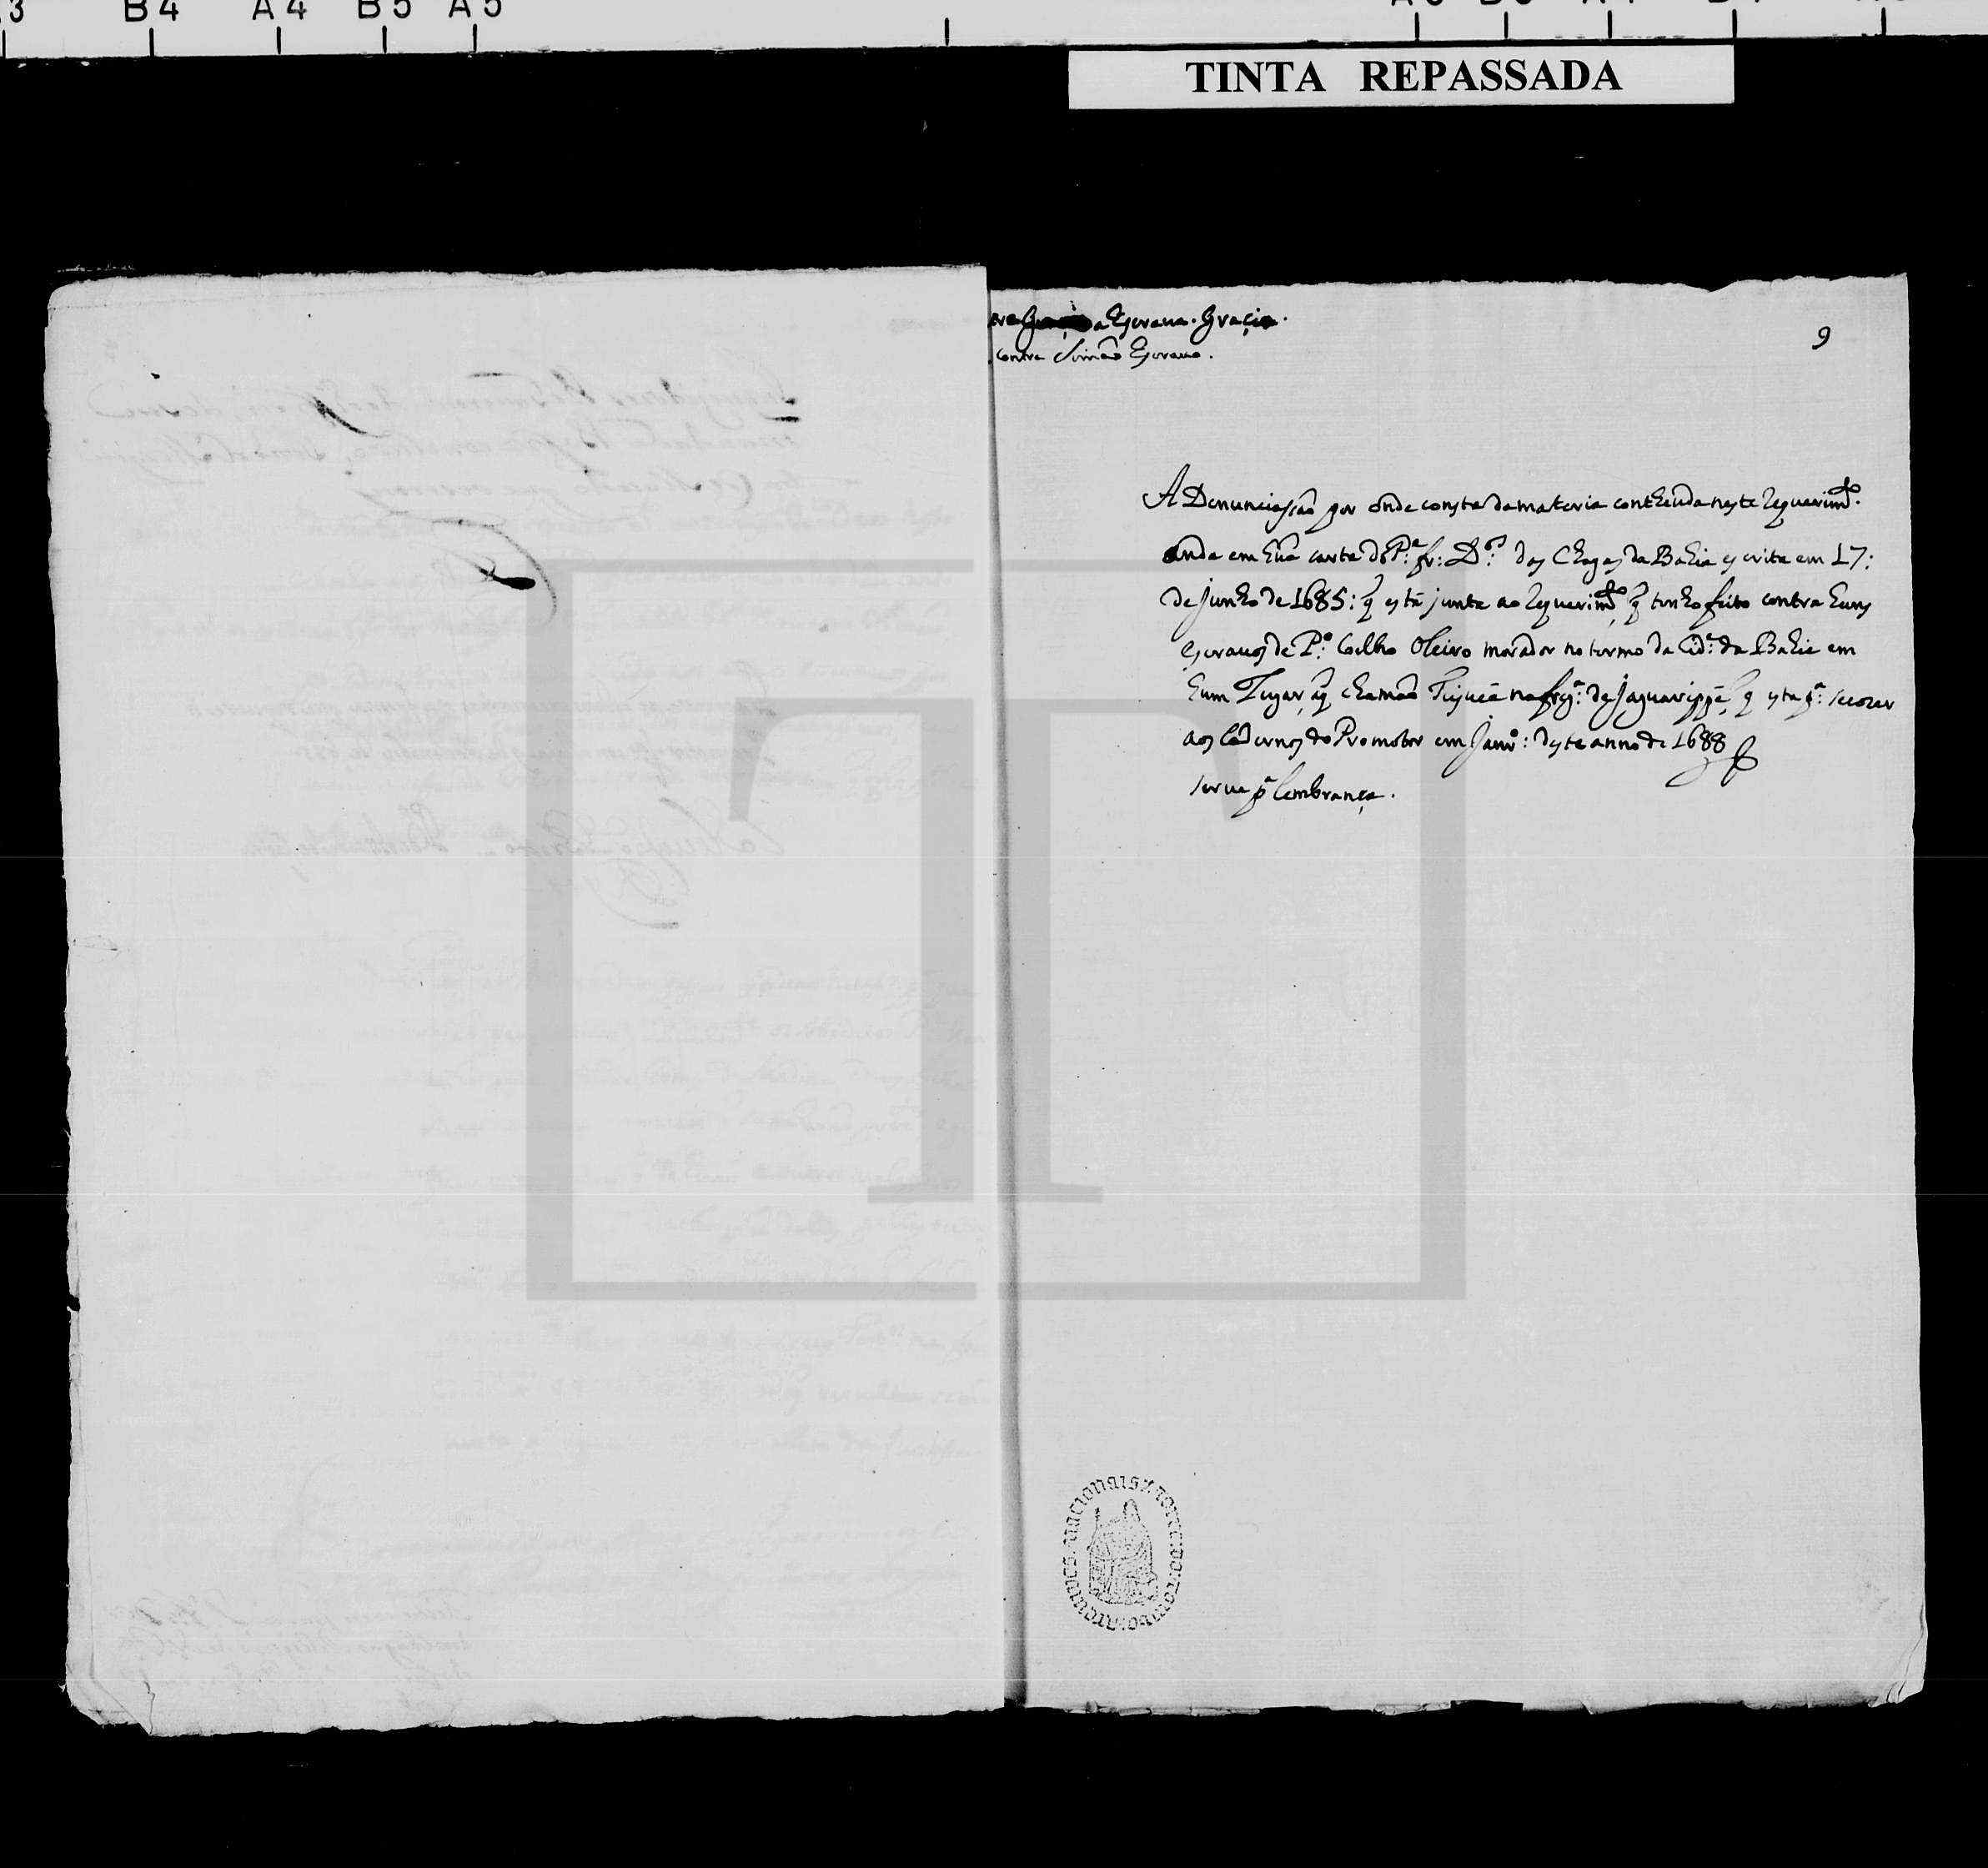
a Escraua. Gracia.
contra Simão Escrauo.
A Denunciassaõ por onde consta da materia contheuda neste Requerimto.
anda em huā carta do P:e fr: D:os das Chagas da Bahia escrita em 17:
de junho de 1685: q̄ está junta ao Requerimto, q̄ tenho feito contra huns
escrauos de P:o Coelho Oleiro morador no termo da Cid:e da Bahia em
hum Lugar, a q̄ chamão Tujucá na freg:a de Jaguarippé, q̄ esta p:a se cazar
aos Cadernos do Promotor em Janro: deste anno de 1688
serue pa lembrança.
